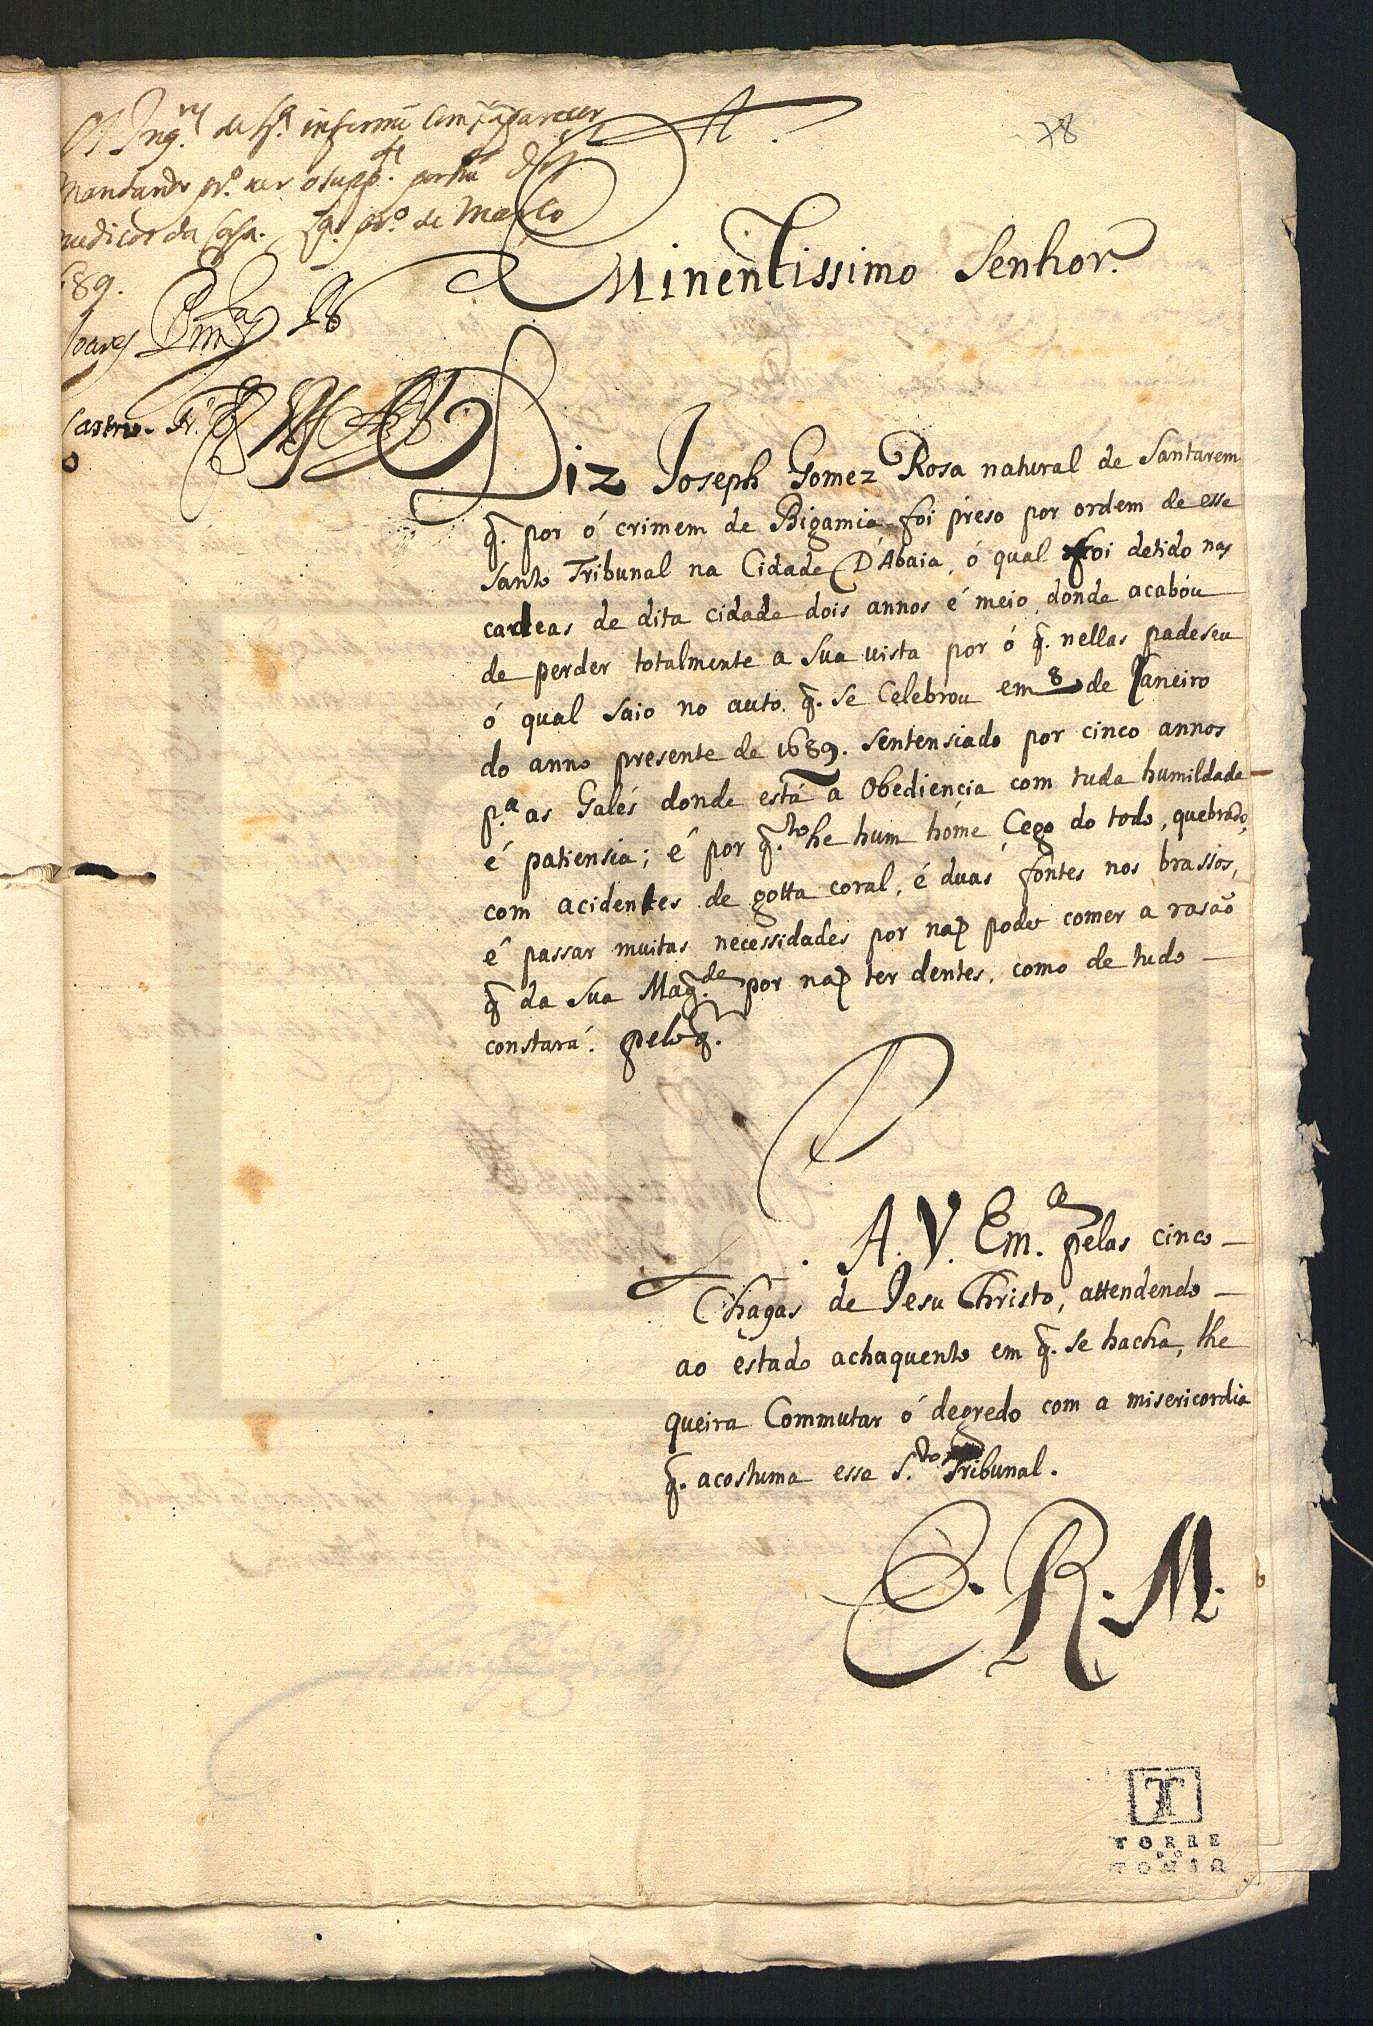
EMinentissimo Senhor.
Diz Ioseph Gomez Rosa natural de Santarem
q̄. por ó crimem de Bigamia foi preso por ordem de esse
Santo Tribunal na Cidade D'Abaia, ó qual foi detido nas
cadeas de dita cidade dois annos é meio, donde acabóu
de perder totalmente a sua uista por ó q̄ nella padeseu
ó qual saio no auto. q̄. se Celebrou em 8 de Janeiro
do anno presente de 1689. sentensiado por cinco annos
p.a as Galés donde está a obediençia com tuda humildade
é patiensia; é porq̄.to he hum home, Cego do todo, quebrado,
com acidentes de gotta coral, é duas fontes nos brassos,
é passar muitas necessidades por naõ poder comer a rasaõ
q̄ da Sua Mag.de por naõ ter dentes, como de tudo
constará. pello q̄.
A. V. Em.a pelas cinco
Chagas de Iesu Christo, attendendo
ao estado achaquento em q̄. se hacha, lhe
queira Commutar ó degredo com a misericordia
q̄. acostuma esse S.to Tribunal.
E. R. M.
Os Inq.res de Lx.a informē com sa pareçer,
mandando pr.o uer o supp.te por hū dos
medicos da Casa. La. pr.o de março
689.
